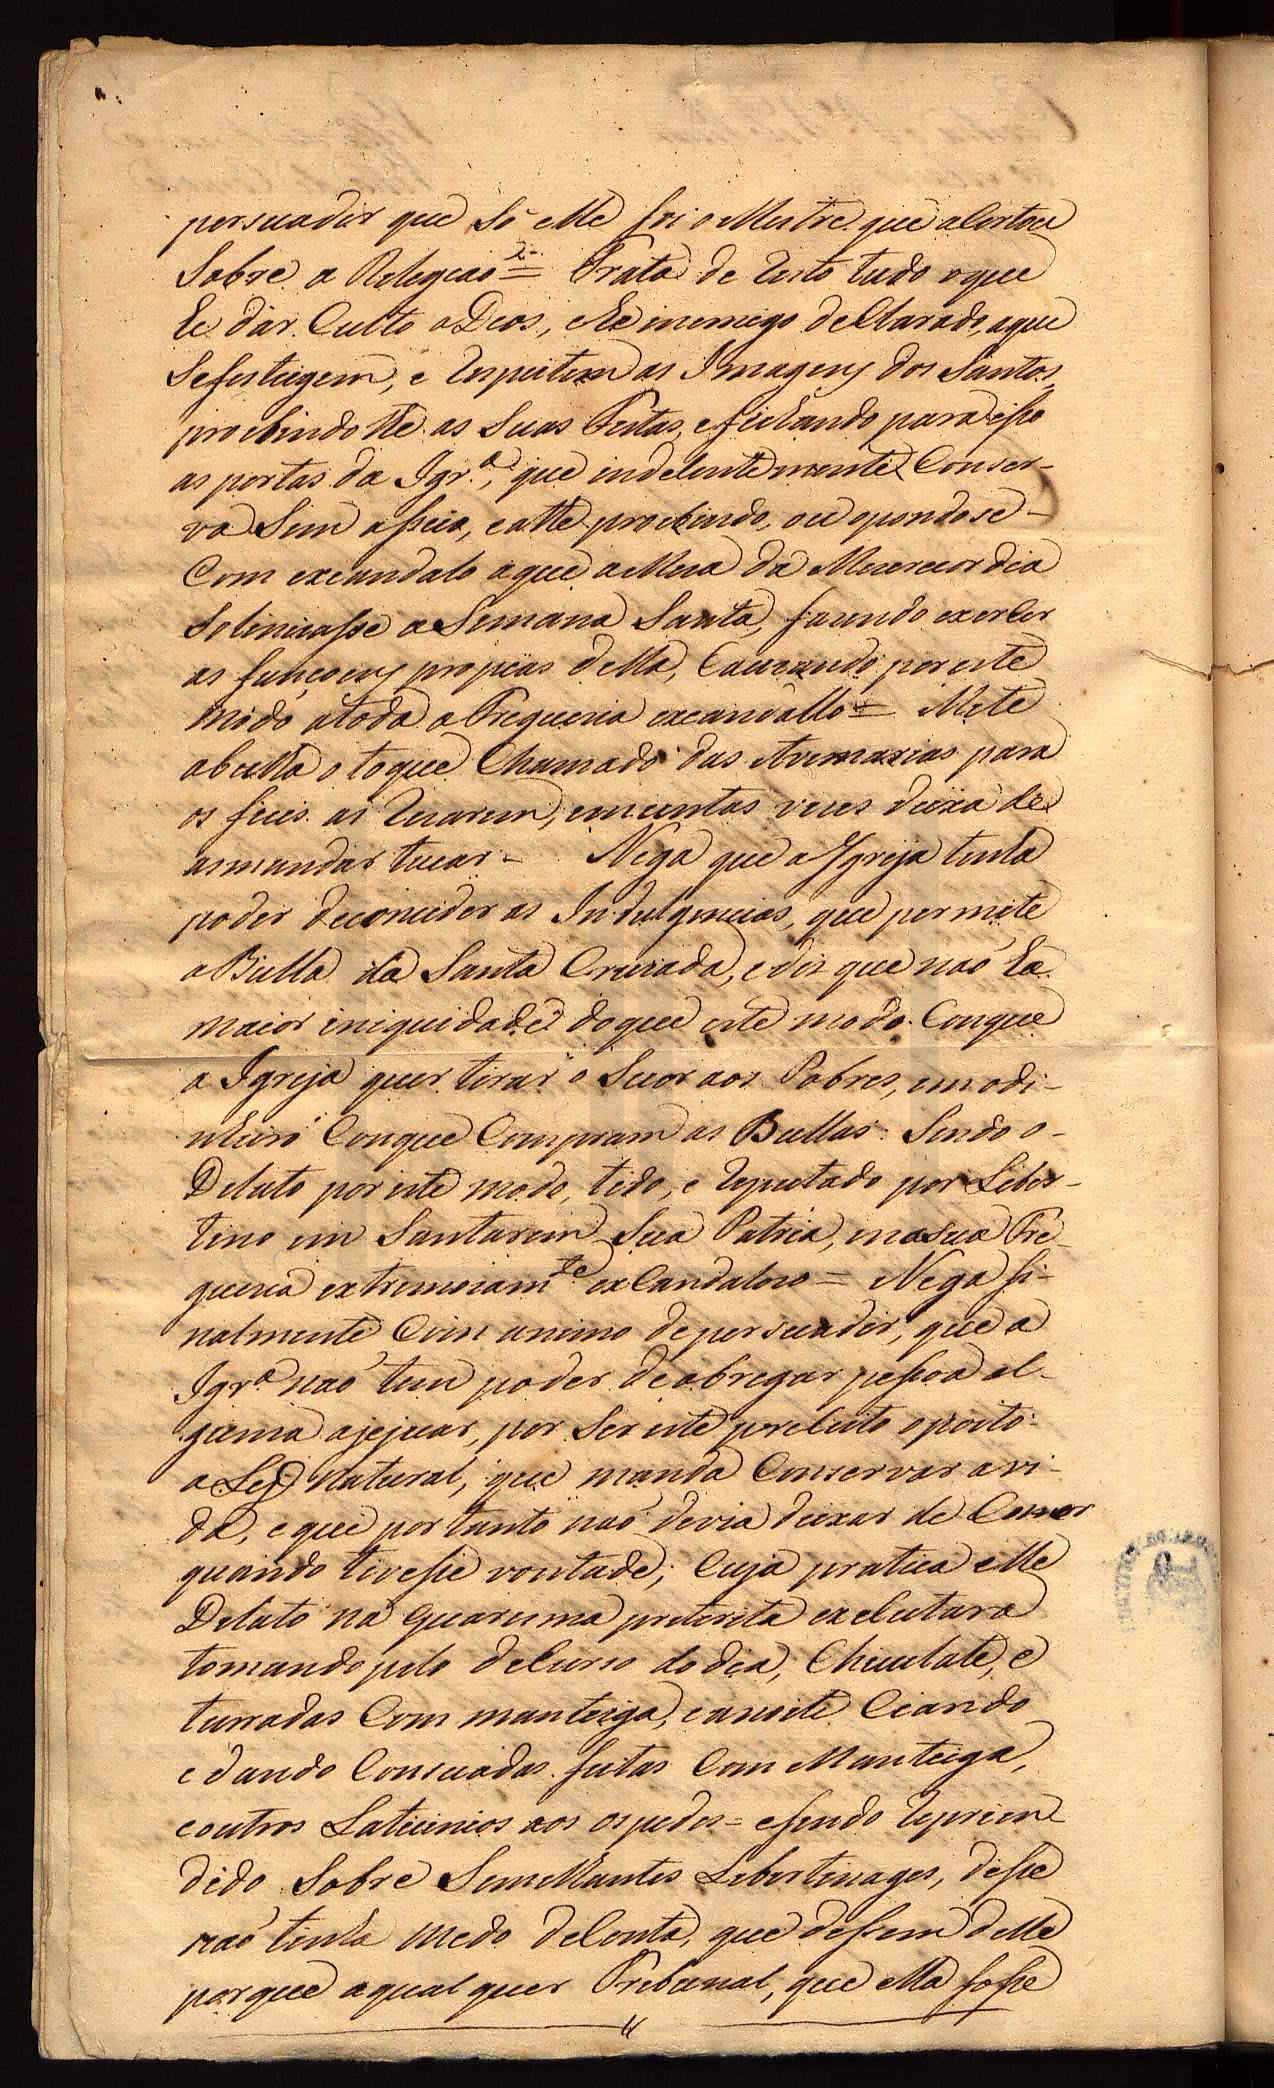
persuadir que só elle foi o Mestre que aCertou
Sobre a Religiaõ = Trata de Resto tudo o que
he dar Culto a Deos, e he inimigo deClarado, a que
Se festeigem, e Respeitem as Imagens dos Santos
proebindolhe as suas Festas, e fechando para isso
as portas da Igr.a, que indelentemente Conser
va Sem asseio, e athe proebindo, ou opondose
Com excandalo a que a Meza da Mesericordia
Solinizasse a Semana Santa, fazendo exercer
as funçoens propias della, Cauzando por este
modo a toda a Freguezia excandallo= Mete
a bulla o toque Chamado das Ave marias para
os fieis as Rezarem, e muntas vezes deixa de
as mandar tucar - Nega que a Jgreja tenha
poder de conceder as Indulgencias, que permite
a Bulla da Santa Cruzada, e dis que naõ ha
maior iniquidade do que este modo Con que
a Igreja quer tirar o Suor aos Pobres, em o di
nheiro Con que Compram as Bullas, Sendo o
Delato por este modo, tido, e Reputado por Liber
tino em Santarem Sua Patria, e na sua Fre
guezia extremozam.te exCandalozo = Nega fi
nalmente com animo de persuadir, que a
Igr.a naõ tem poder de obregar pessoa al
guma a jejuar, por ser este preCeito oposto
a Ley natural, que manda conservar a vi
da, e que portanto naõ devia deixar de Comer
quando tivesse vontade; cuja pratica elle
Delato na quaresma preterita exeCutara
tomando pelo decurso do dia, Chiculate, e
turradas Com manteiga, e a noite ciando
e dando Consuadas feitas com Manteiga,
e outros Laticinios aos ospedes = e sendo Reprien
dido Sobre Semelhantes Libertinages, disse
naõ tinha medo de Conta, que dessem delle
porque a qualquer Tribunal, que ella fosse
